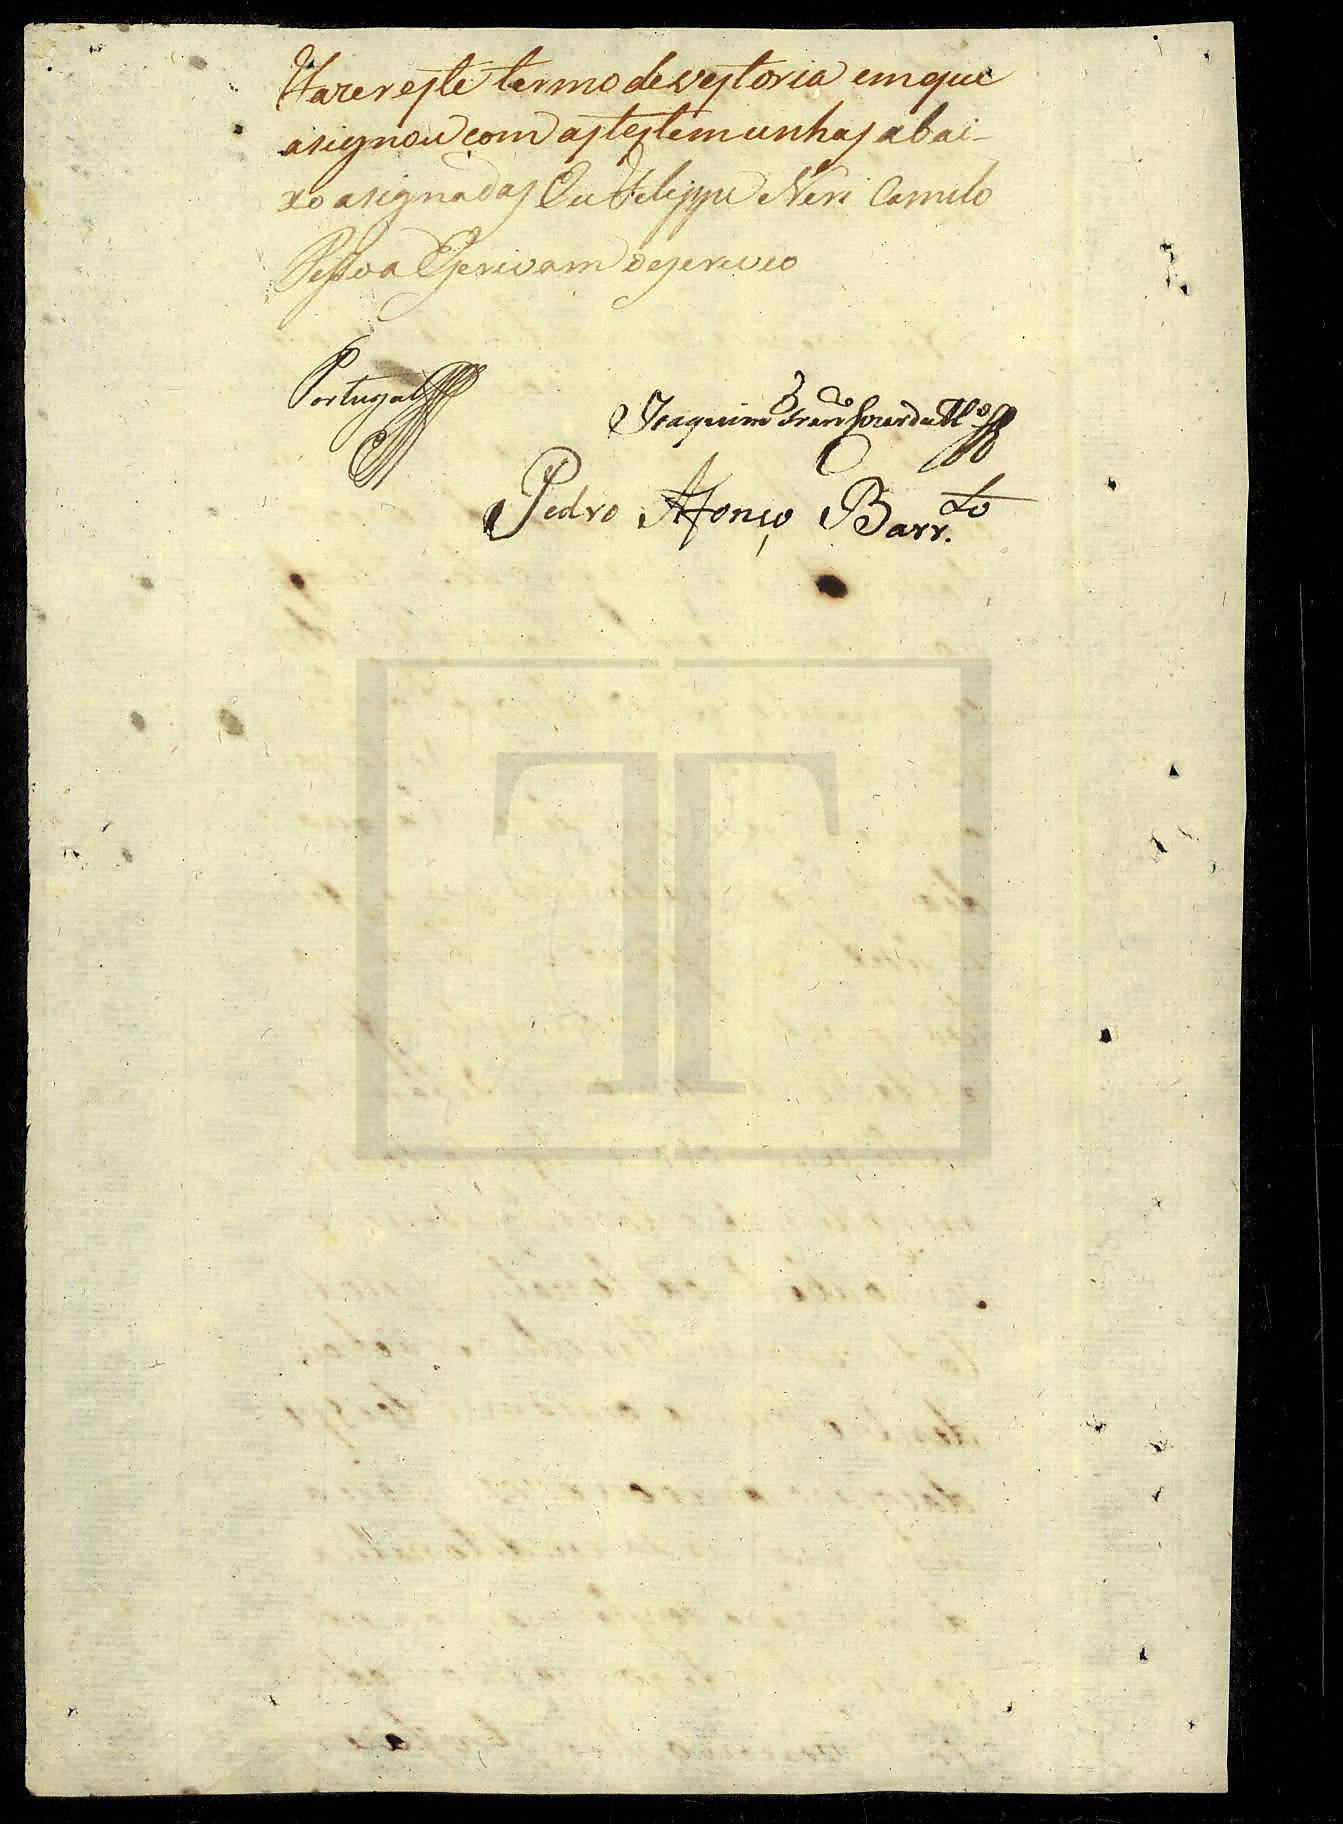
fazer este termo de vistoria em que
assignou com as testemunhas abai
xo asignadas Eu Felippe Neri Camilo
Pessoa Escrivam o escreveo
Portugal
Ioaquim Fran.co Cezar de M.o
Pedro Afonço Barr.to
